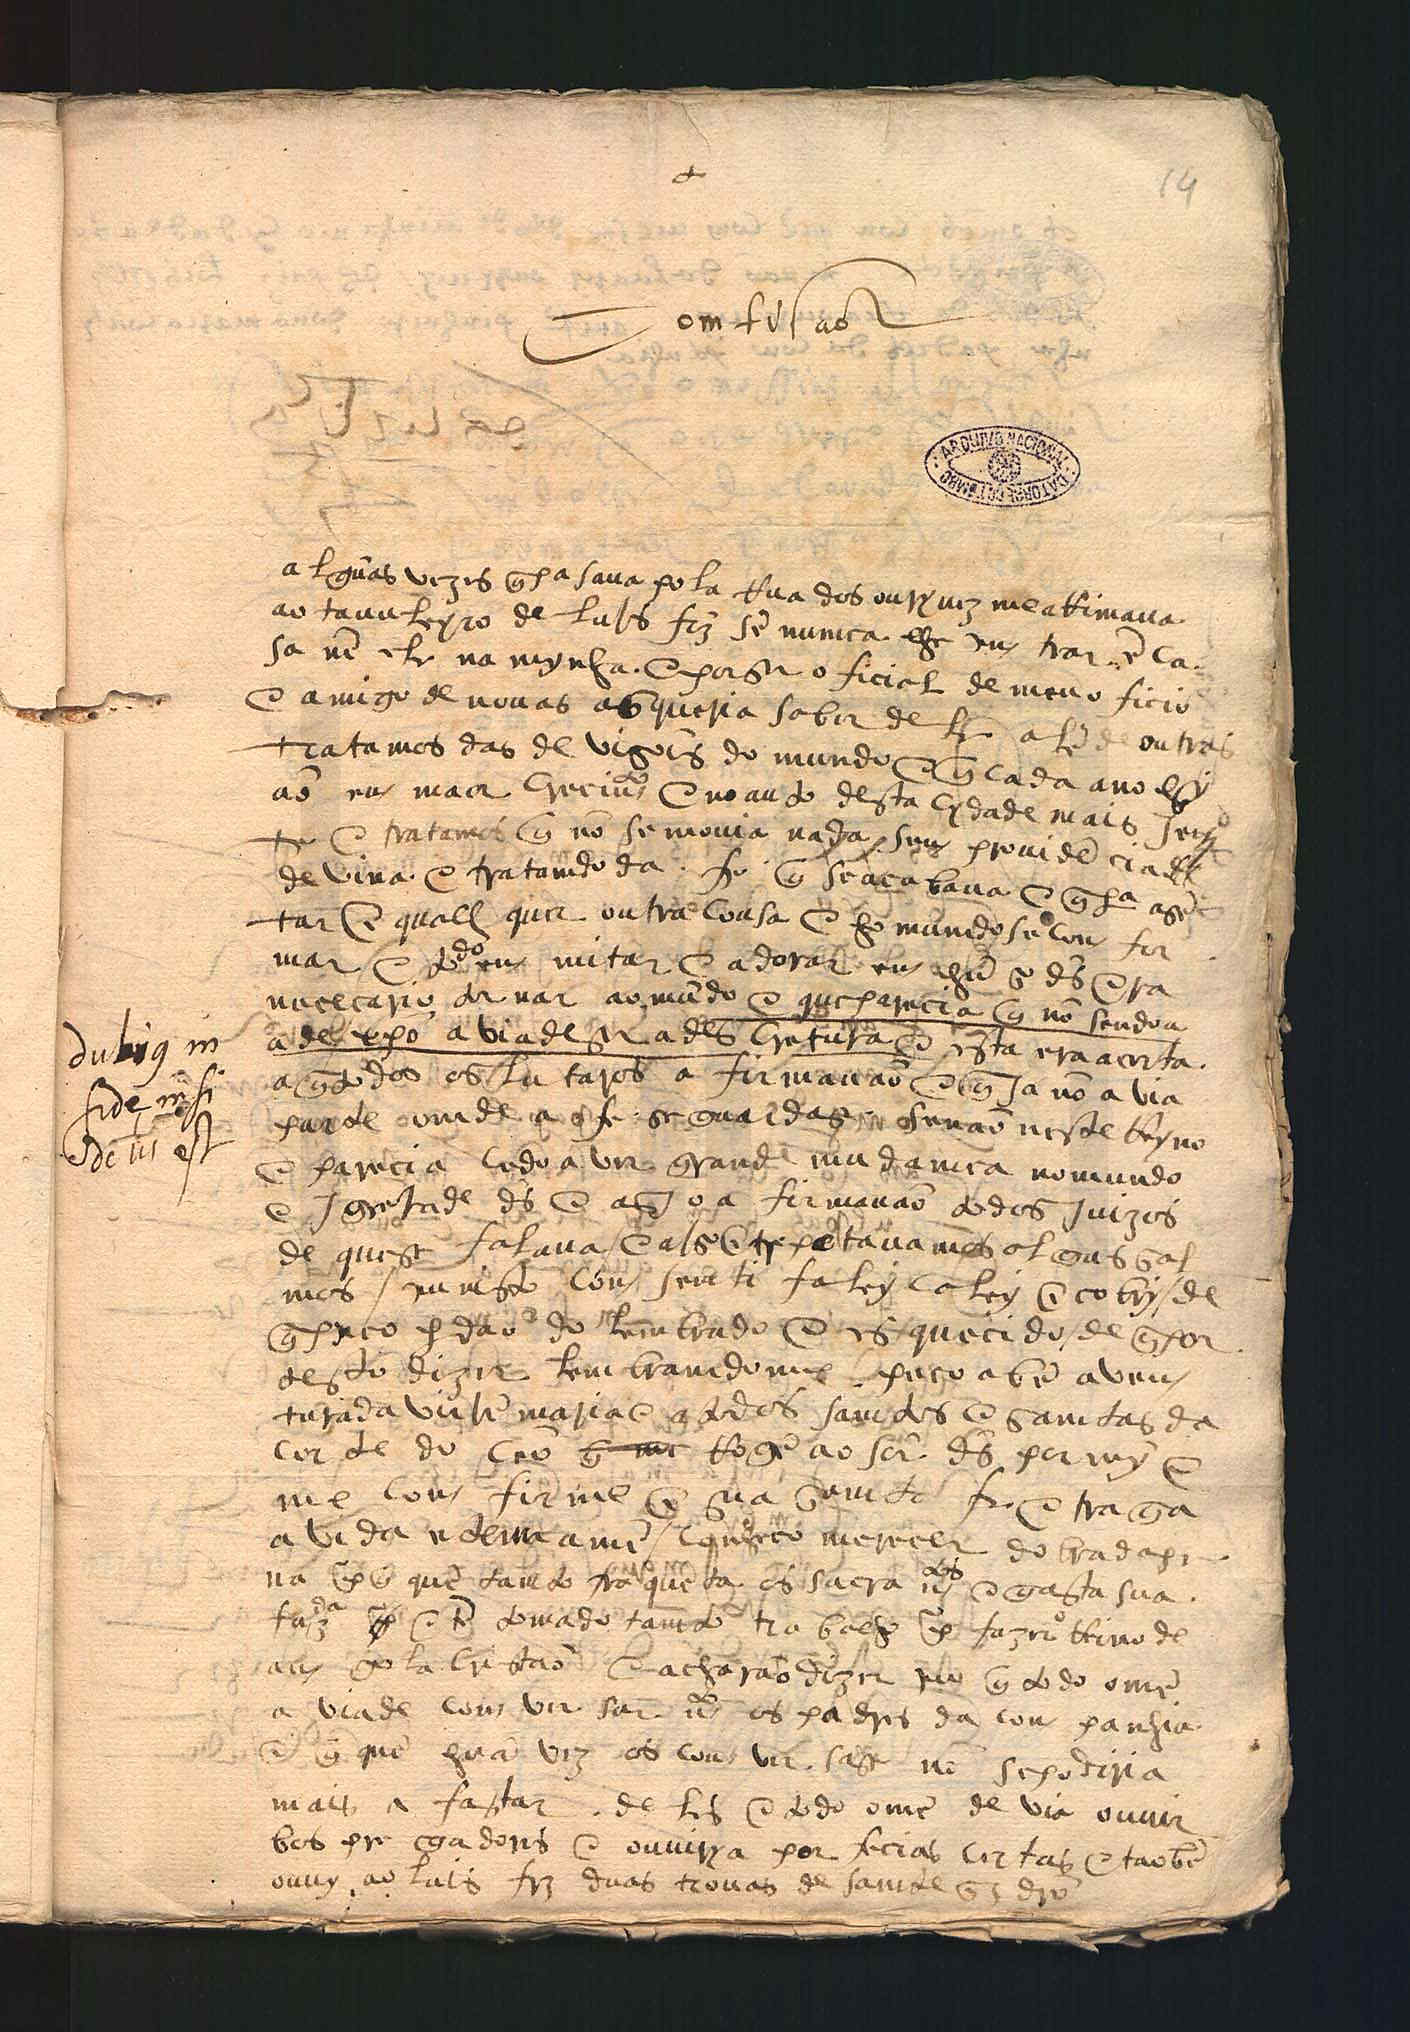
Comfisaõ
algūas vezes q̄ pasaua pola Rua dos ouryuez me aRimaua
ao tauuleyro de LuIs frz̄ sē numca lhe emtrar ē ca
sa nē ele na mynha. e por ser oficiaL de meu oficio
e amigo de nouas as queria saber dele alē de outras
tratamos das devisoĩs do mundo e q̄ cada ano hy
aõ em maor Crecimto e no auto desta cydade mais Jntr̄
te e tratamos q̄ nō se mouia nada sem prouidēcia de
devina e tratamdo da .fe q̄ se acabaua e q̄ ꝑa asē
tar ē quall quer outra Cousa e ho mumdo se comfir
mar e todo emmitar e adorar em hū so ds̄ era
nececario tornar ao mūdo e que parecia q̄ nō sendo a
a de xpō avia de ser a desCretura e esta era a certa
a q̄ todos os Luteros afirmauaõ e q̄ ja nō avia
parte omde a fe. se guardase senaõ neste Reyno
e parecia Cedo aver grande mudamca no mundo
e JgreJa de ds e asJ o afirmauaõ todos Juizos
de que se falaua / e a Iso ētrepetauamos algus sal
mos / eu nisto Comsemti faley Caley ēcobry /de
q̄ peco ꝑdao do lembrado e esquecido de q̄ por
testo dizer lembrandome . peco a bē avem
turada virIē maria e a todos samtos e samtas da
Corte do Ceō h me Rogē ao sor̄ ds̄ por mȳ e
me Comfirme ē sua samta fee e traga
a vida eterna amē / Conheco merecer dobrada pe
na p̄q̄ quē tamto fraqueIa os sacramtos e gasta sua
fazda p̄ e tē tomado tamto trabalho p̄ fazer o Reino de
amgola Cristaõ e acharão dizer em q̄ todo omē
avia de comversar mto os padres da companhia
e q̄ quē huā vez os conversase nō se podiria
mais afastar deles e todo omē devia ouuir
bos pregadores e ouuirya porfecias certas e taobē
ouuy ao Luis frz duas trouas de samtesjdrō
